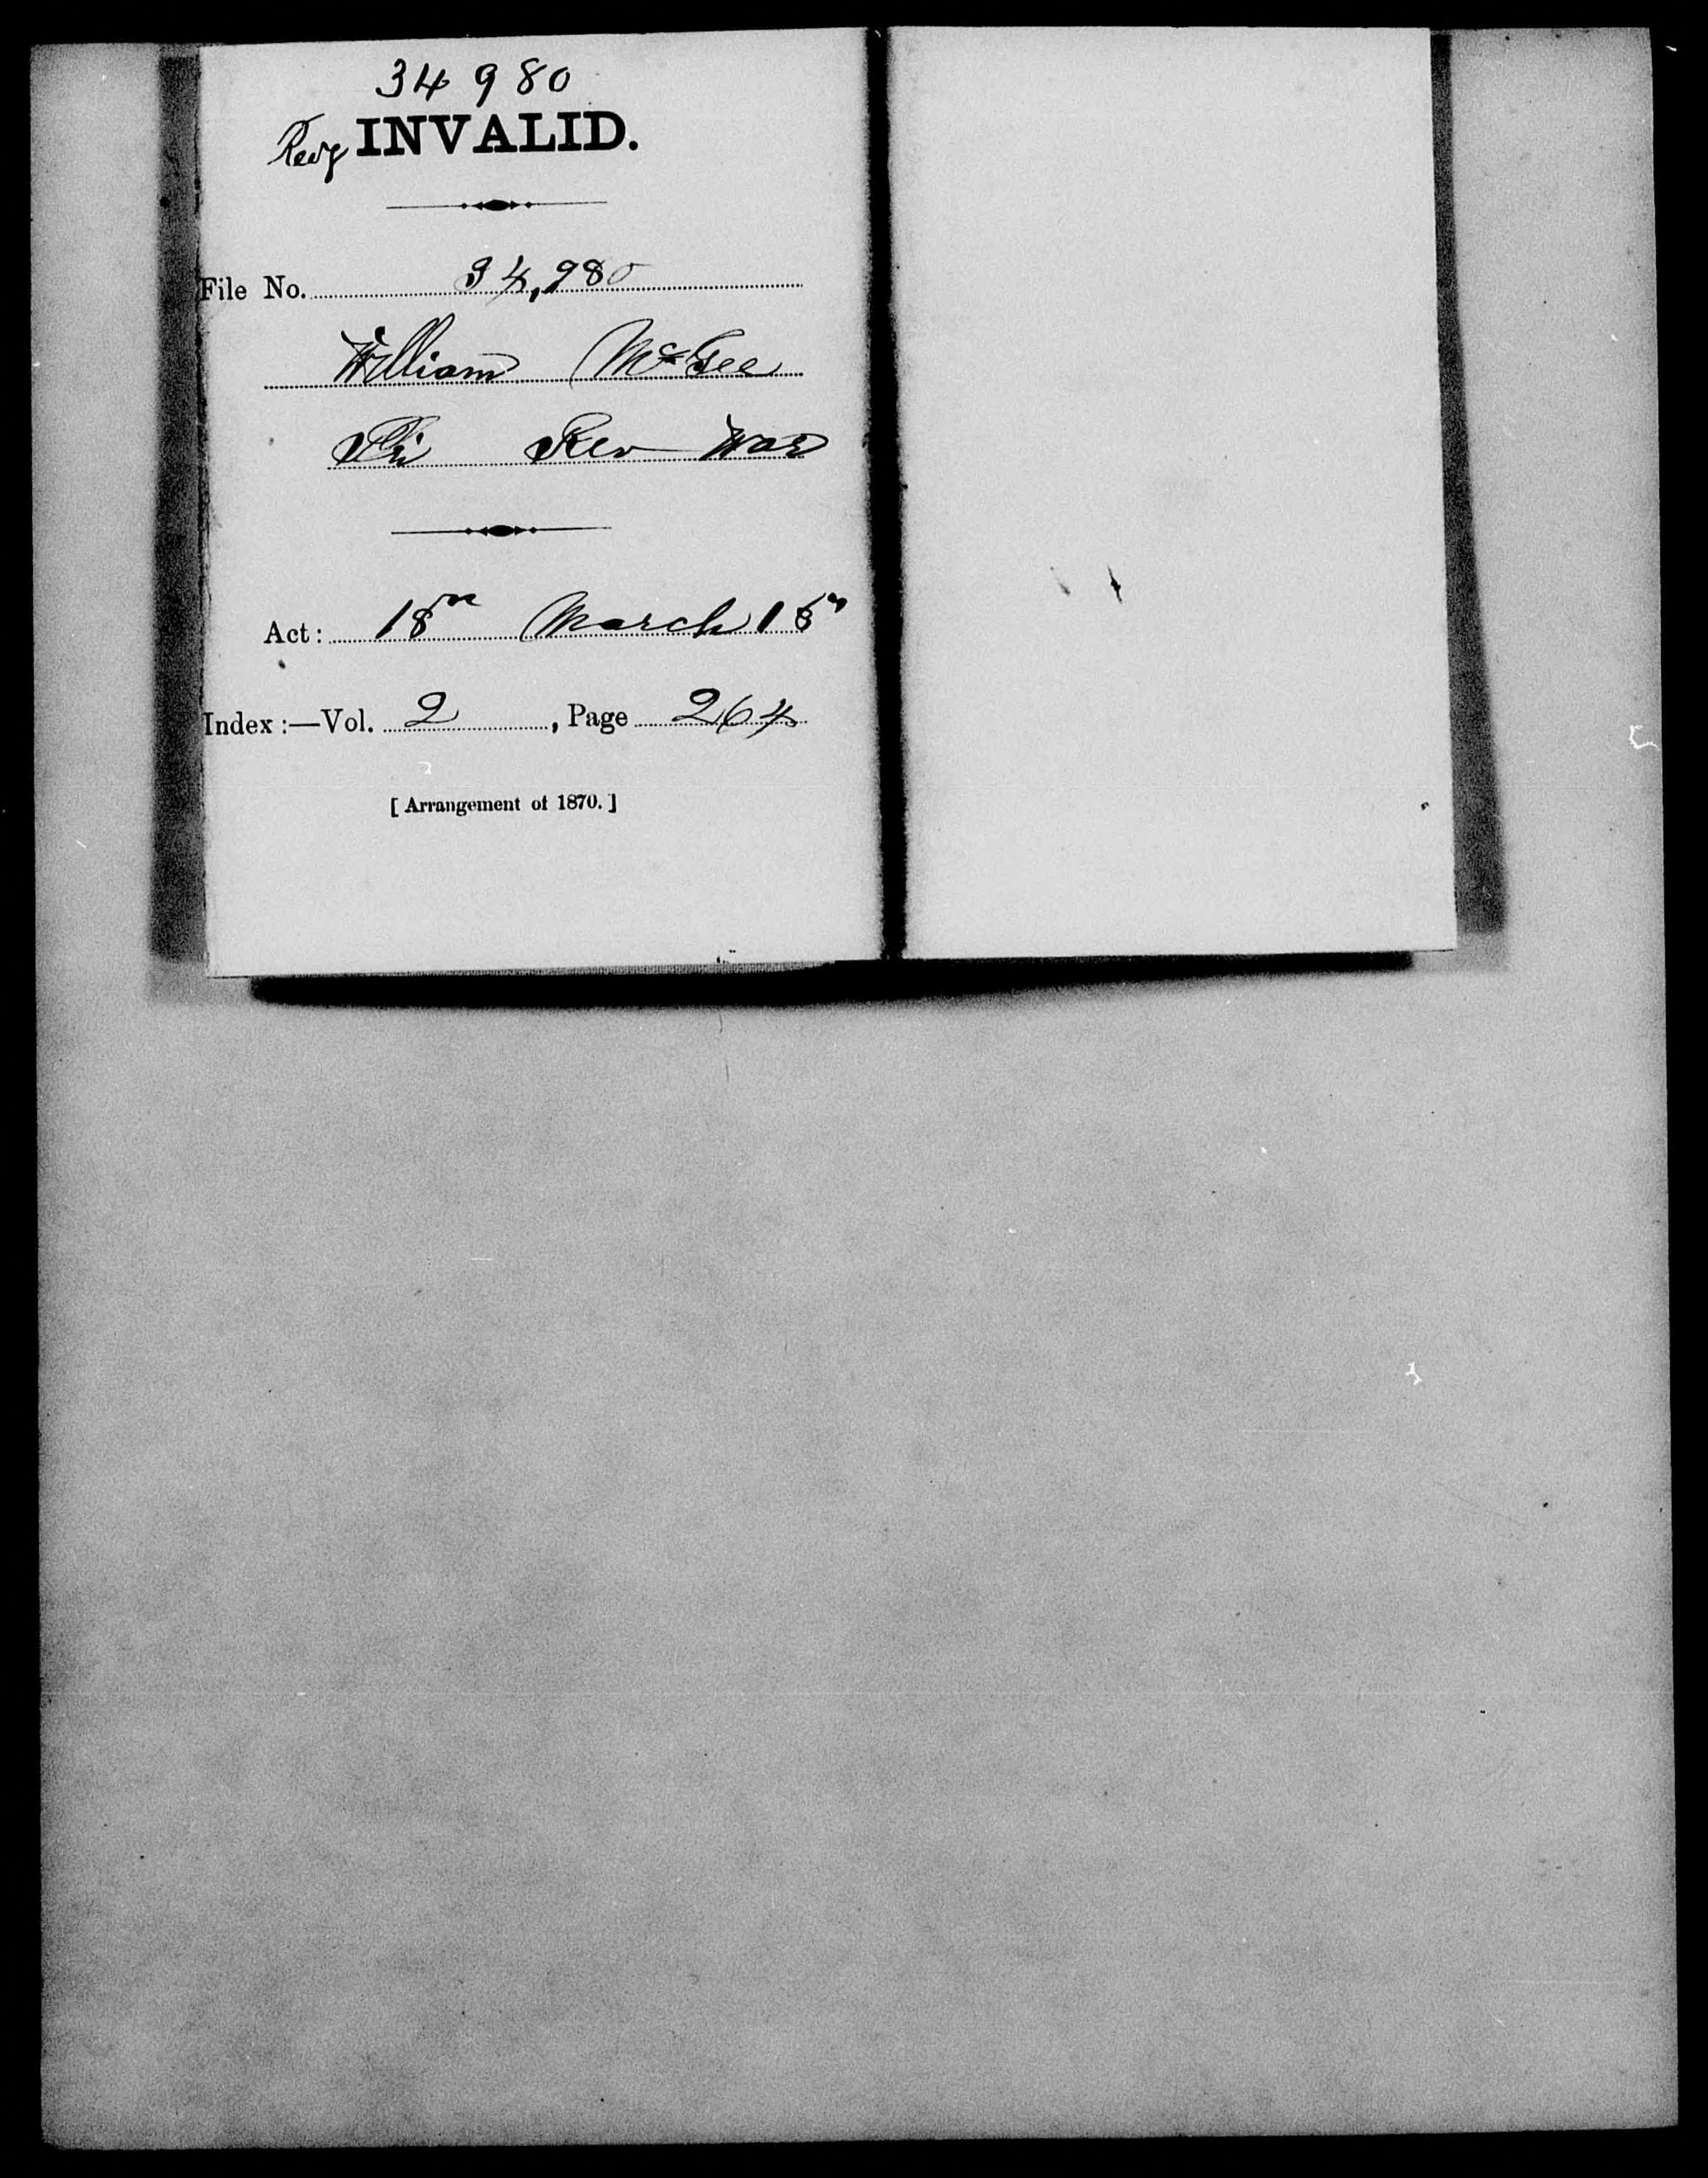[typed form, with handwritten responses]

34980

Revy INVALID

File No. 34,980

William McGee
Pri Rev War

Act: 18th March 18” [1818]
Index: - Vol. 2, Page 264

[Arrangement of 1870.]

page: 15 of 17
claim: survivor's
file: S. 34980, for William Mc Gee, Maryland